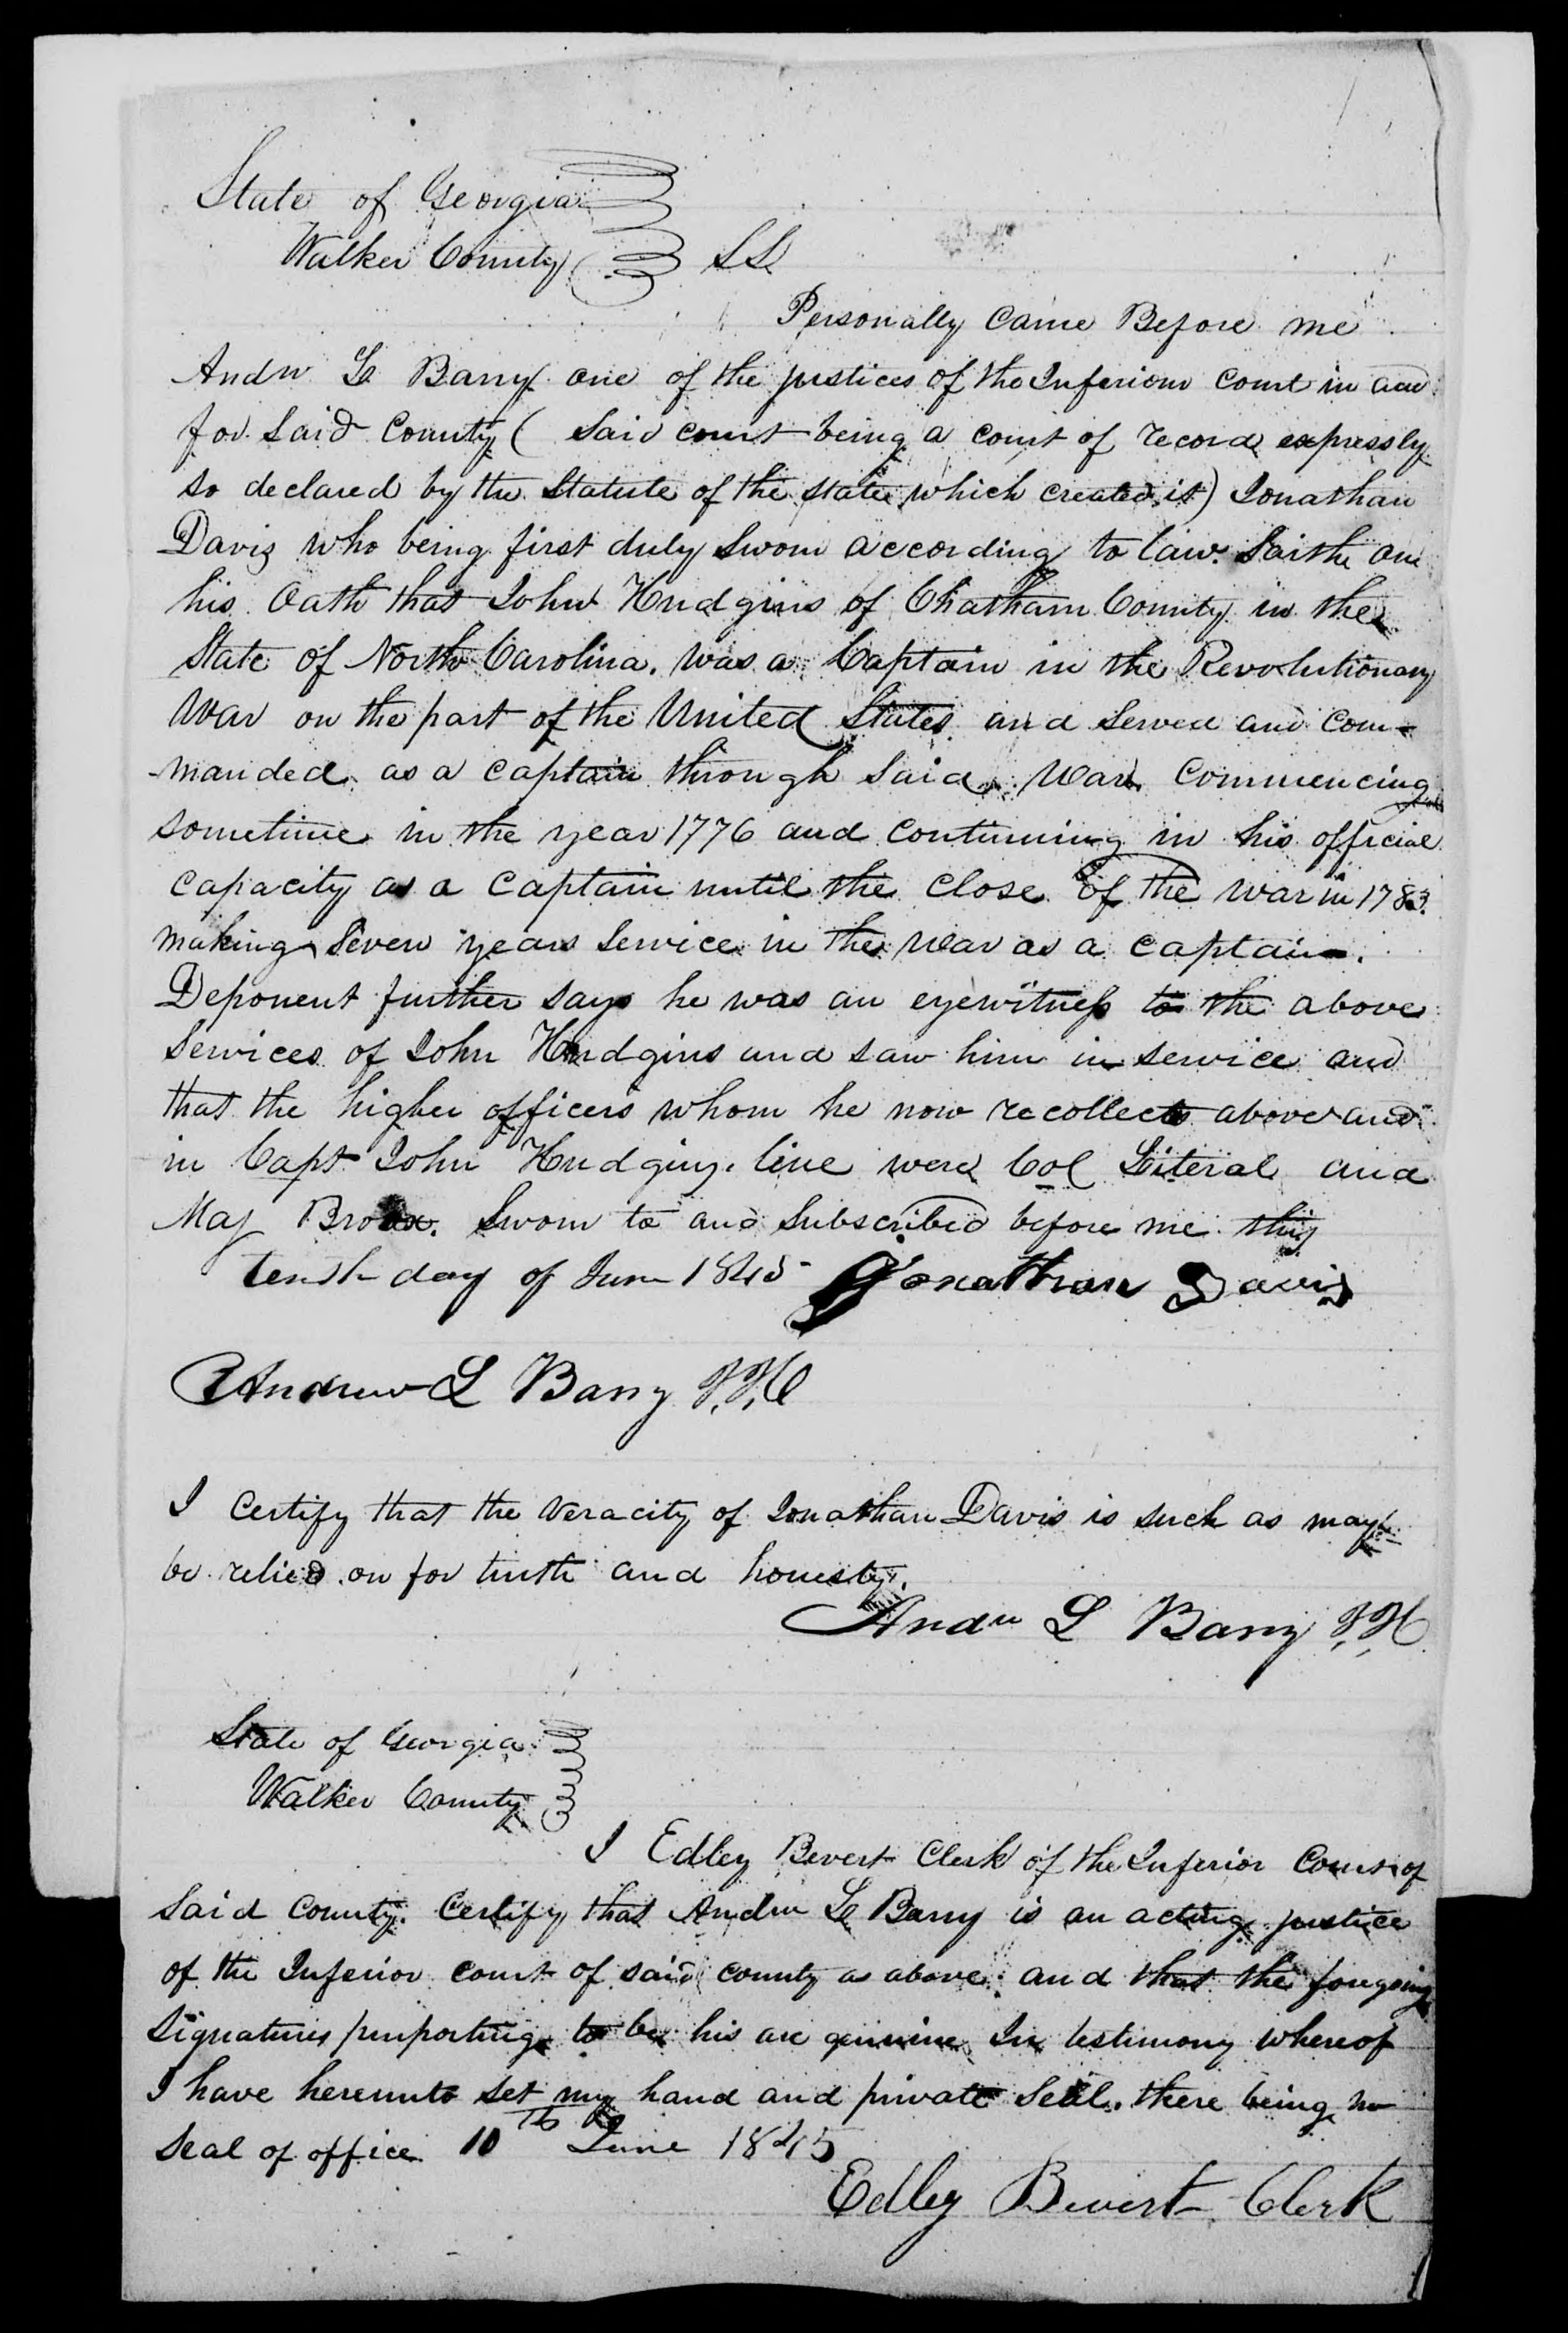State of Georgia Walker County
Personally came before me Andrew L. Barry one of the Justices of the Inferior court in aforesaid county (said court- being a court of record expressly so declared by the statue of the state which created it) Jonathan Davis who being first duly sworn according to law saith on his oath that to John Hudgins of Chatham County in the state of North Carolina, was a Captain in the Revolutionary War on the part of the United States and service and commanded as a captain through said War. Commencing sometime in the year 1776 and continuing in his official capacity as a captain under the close of the war in 1783 makin seven years service in the war as a captain. Desponent further says he was an eyewitness to the above services of John Hudgins and saw him in service and that the higher officers whom he now recollect above and in Captain John Hudgins live were Col Literal and Major Brown. Sworn to and subscribed before me this tenth day of Jun 1845 Jonathan Davis.
Andrew L. Barry JJP

I certify that the veracity of Jonathan Davis is such as may be relied on for truth and honesty
Andrew L. Barry

State of George Walker County
I Edley Bevert Clerk of the Inferior Court of said county certify that Andrew L. Barry is an acting Justic of the INferior court of said county an above and that the foregoing signatures purporting to be his are genuine. In testimony whereof I have hereunto set my hand and private seal, there being the seal of ofice 19th June 1845. Edley Bevert Clerk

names: Broox, Literal, Andrew L Barry, Jonathan Davis, Edley Bevert, John Hudgins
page: 83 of 108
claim: rejected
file: R. 7,515, John Hudgins, N.C.